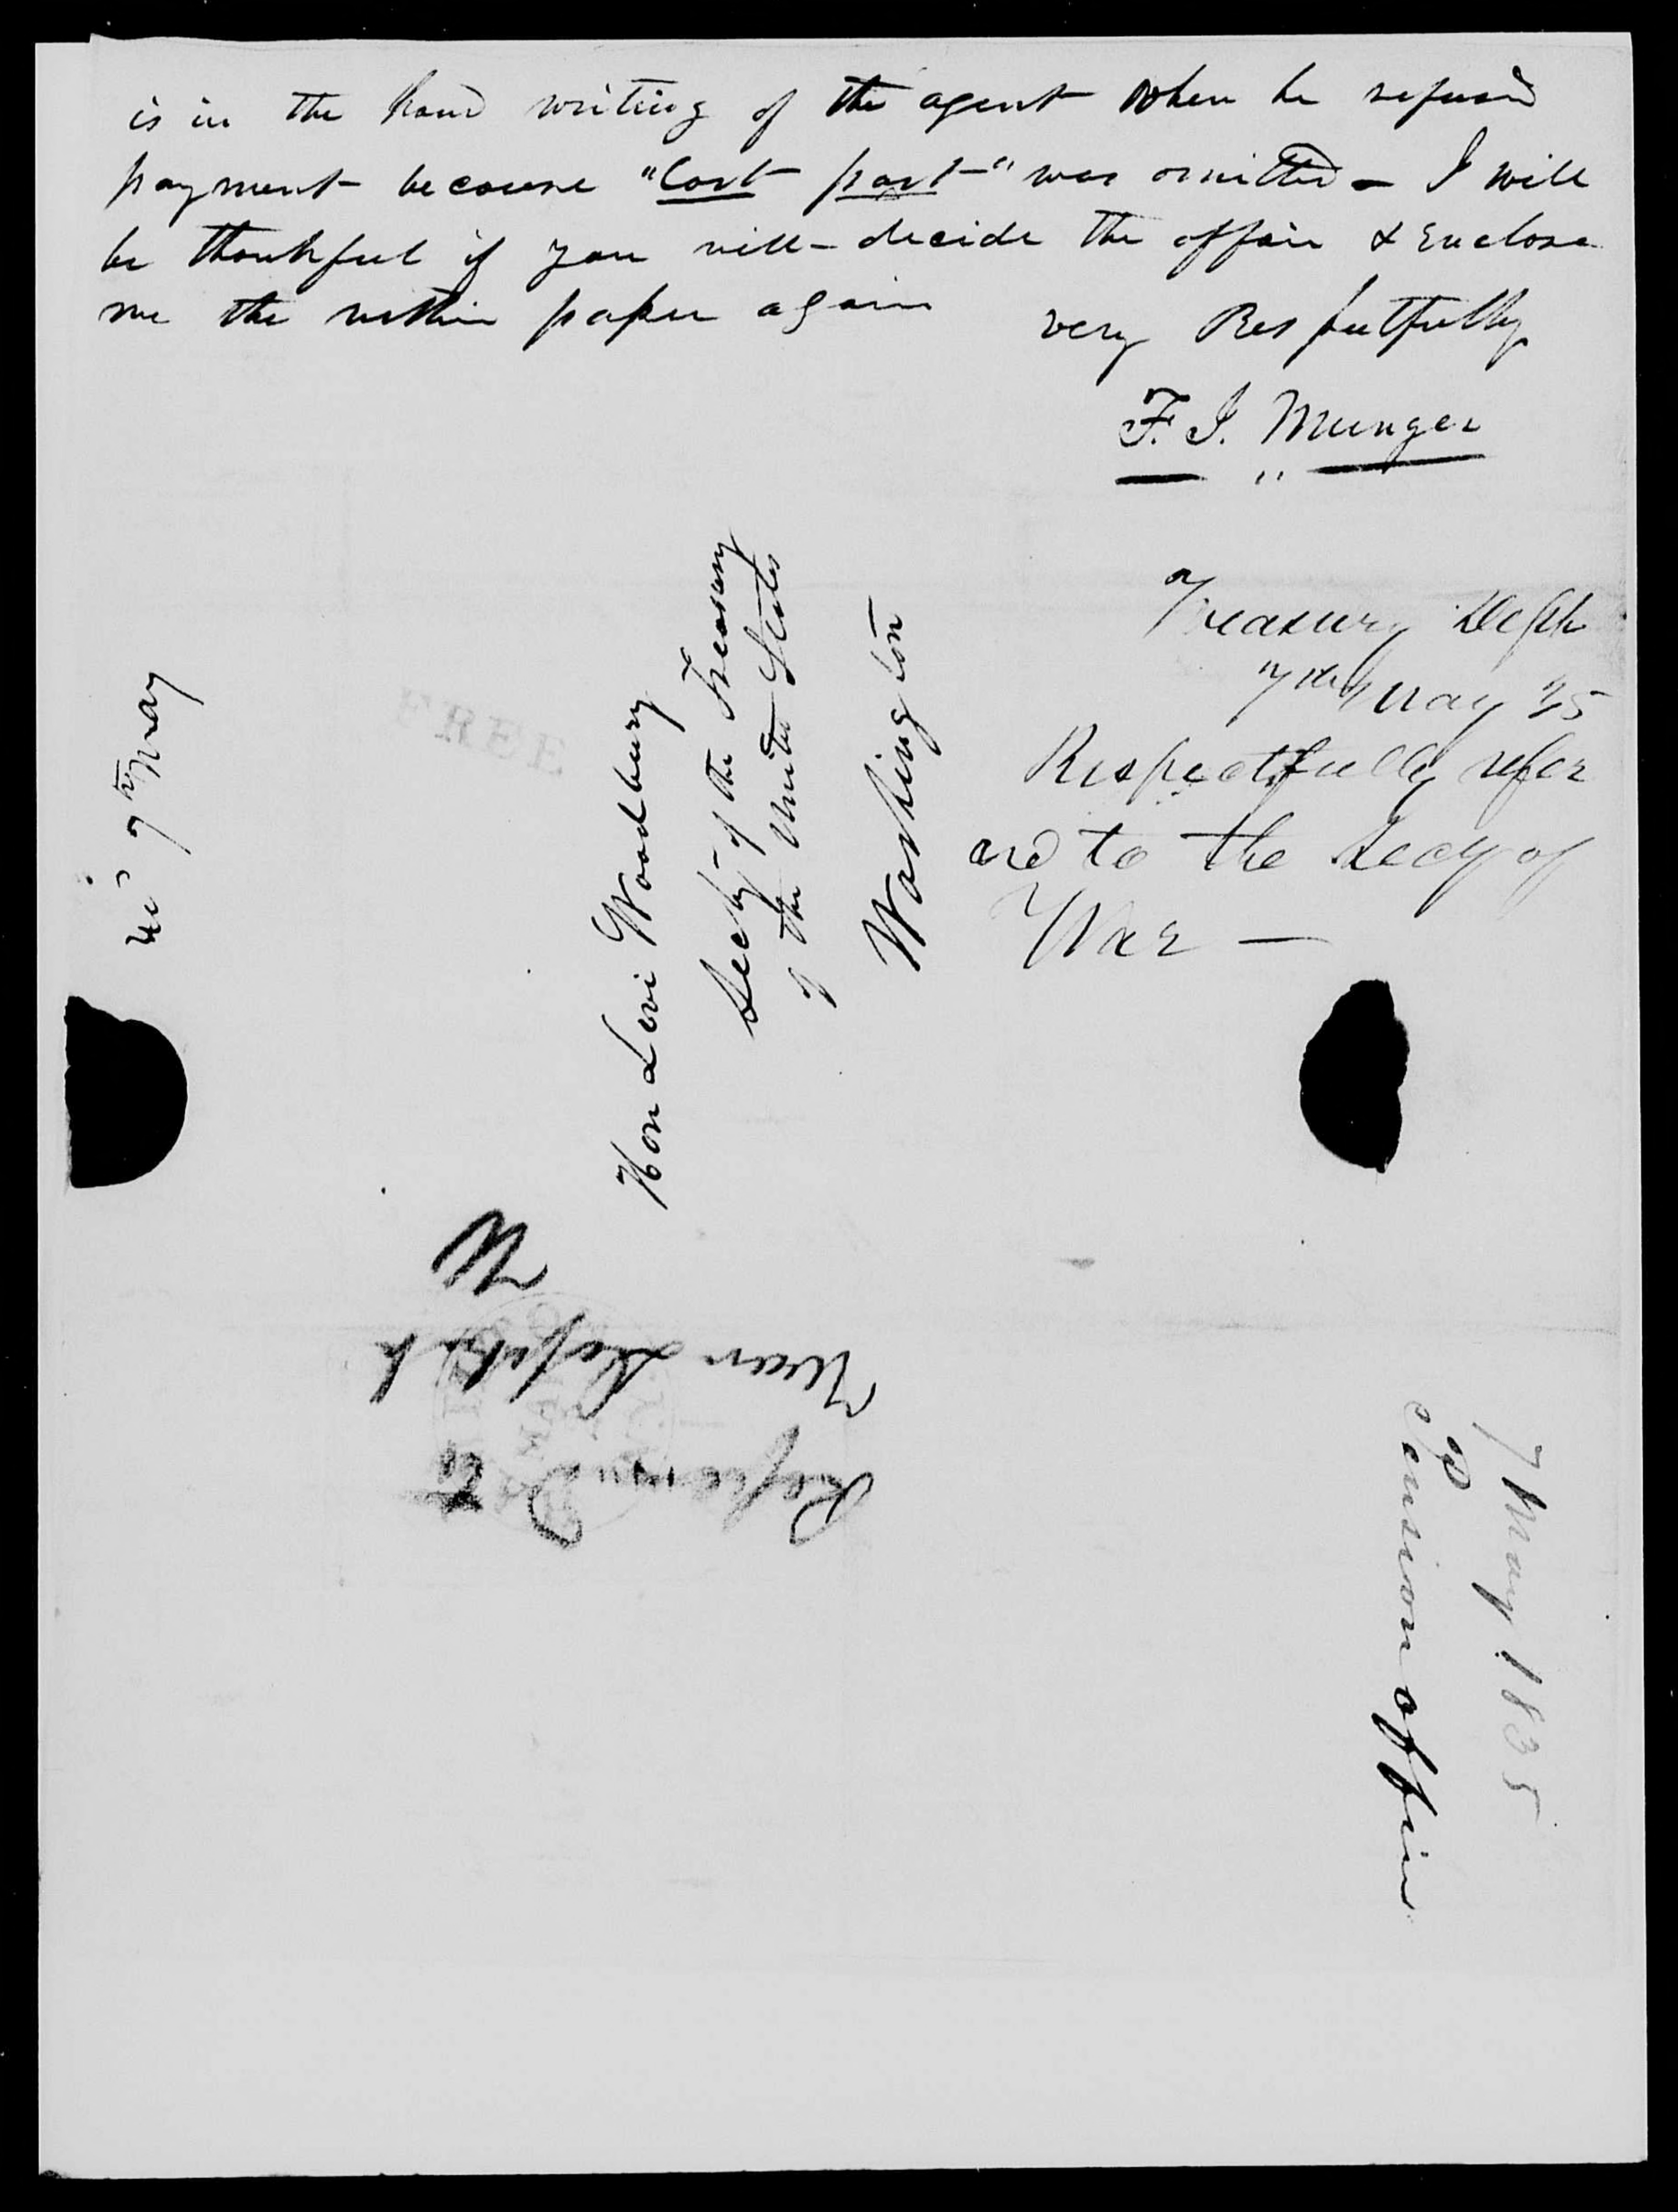is in the hand writing of the agent when he refused
payment because "lost part" was omitted-- I will be
thankful if you will decide the affair & Enclose
me the within paper again
very Respectfully
F. J. Munger
Treasury Dept
7th May 35
Respectfully refer
and to the Secy of
War -
recd 7th May 
Hon Levi Woodbury 
Secty of the Treasury
of the United States
Washington

Referred to War Department
7 May 1835
Pension Office
FREE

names: F J Munger, Levi Woodburg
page: 30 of 37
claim: widow's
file: W. 20,787, Daniel Brown, Conn. Navy.